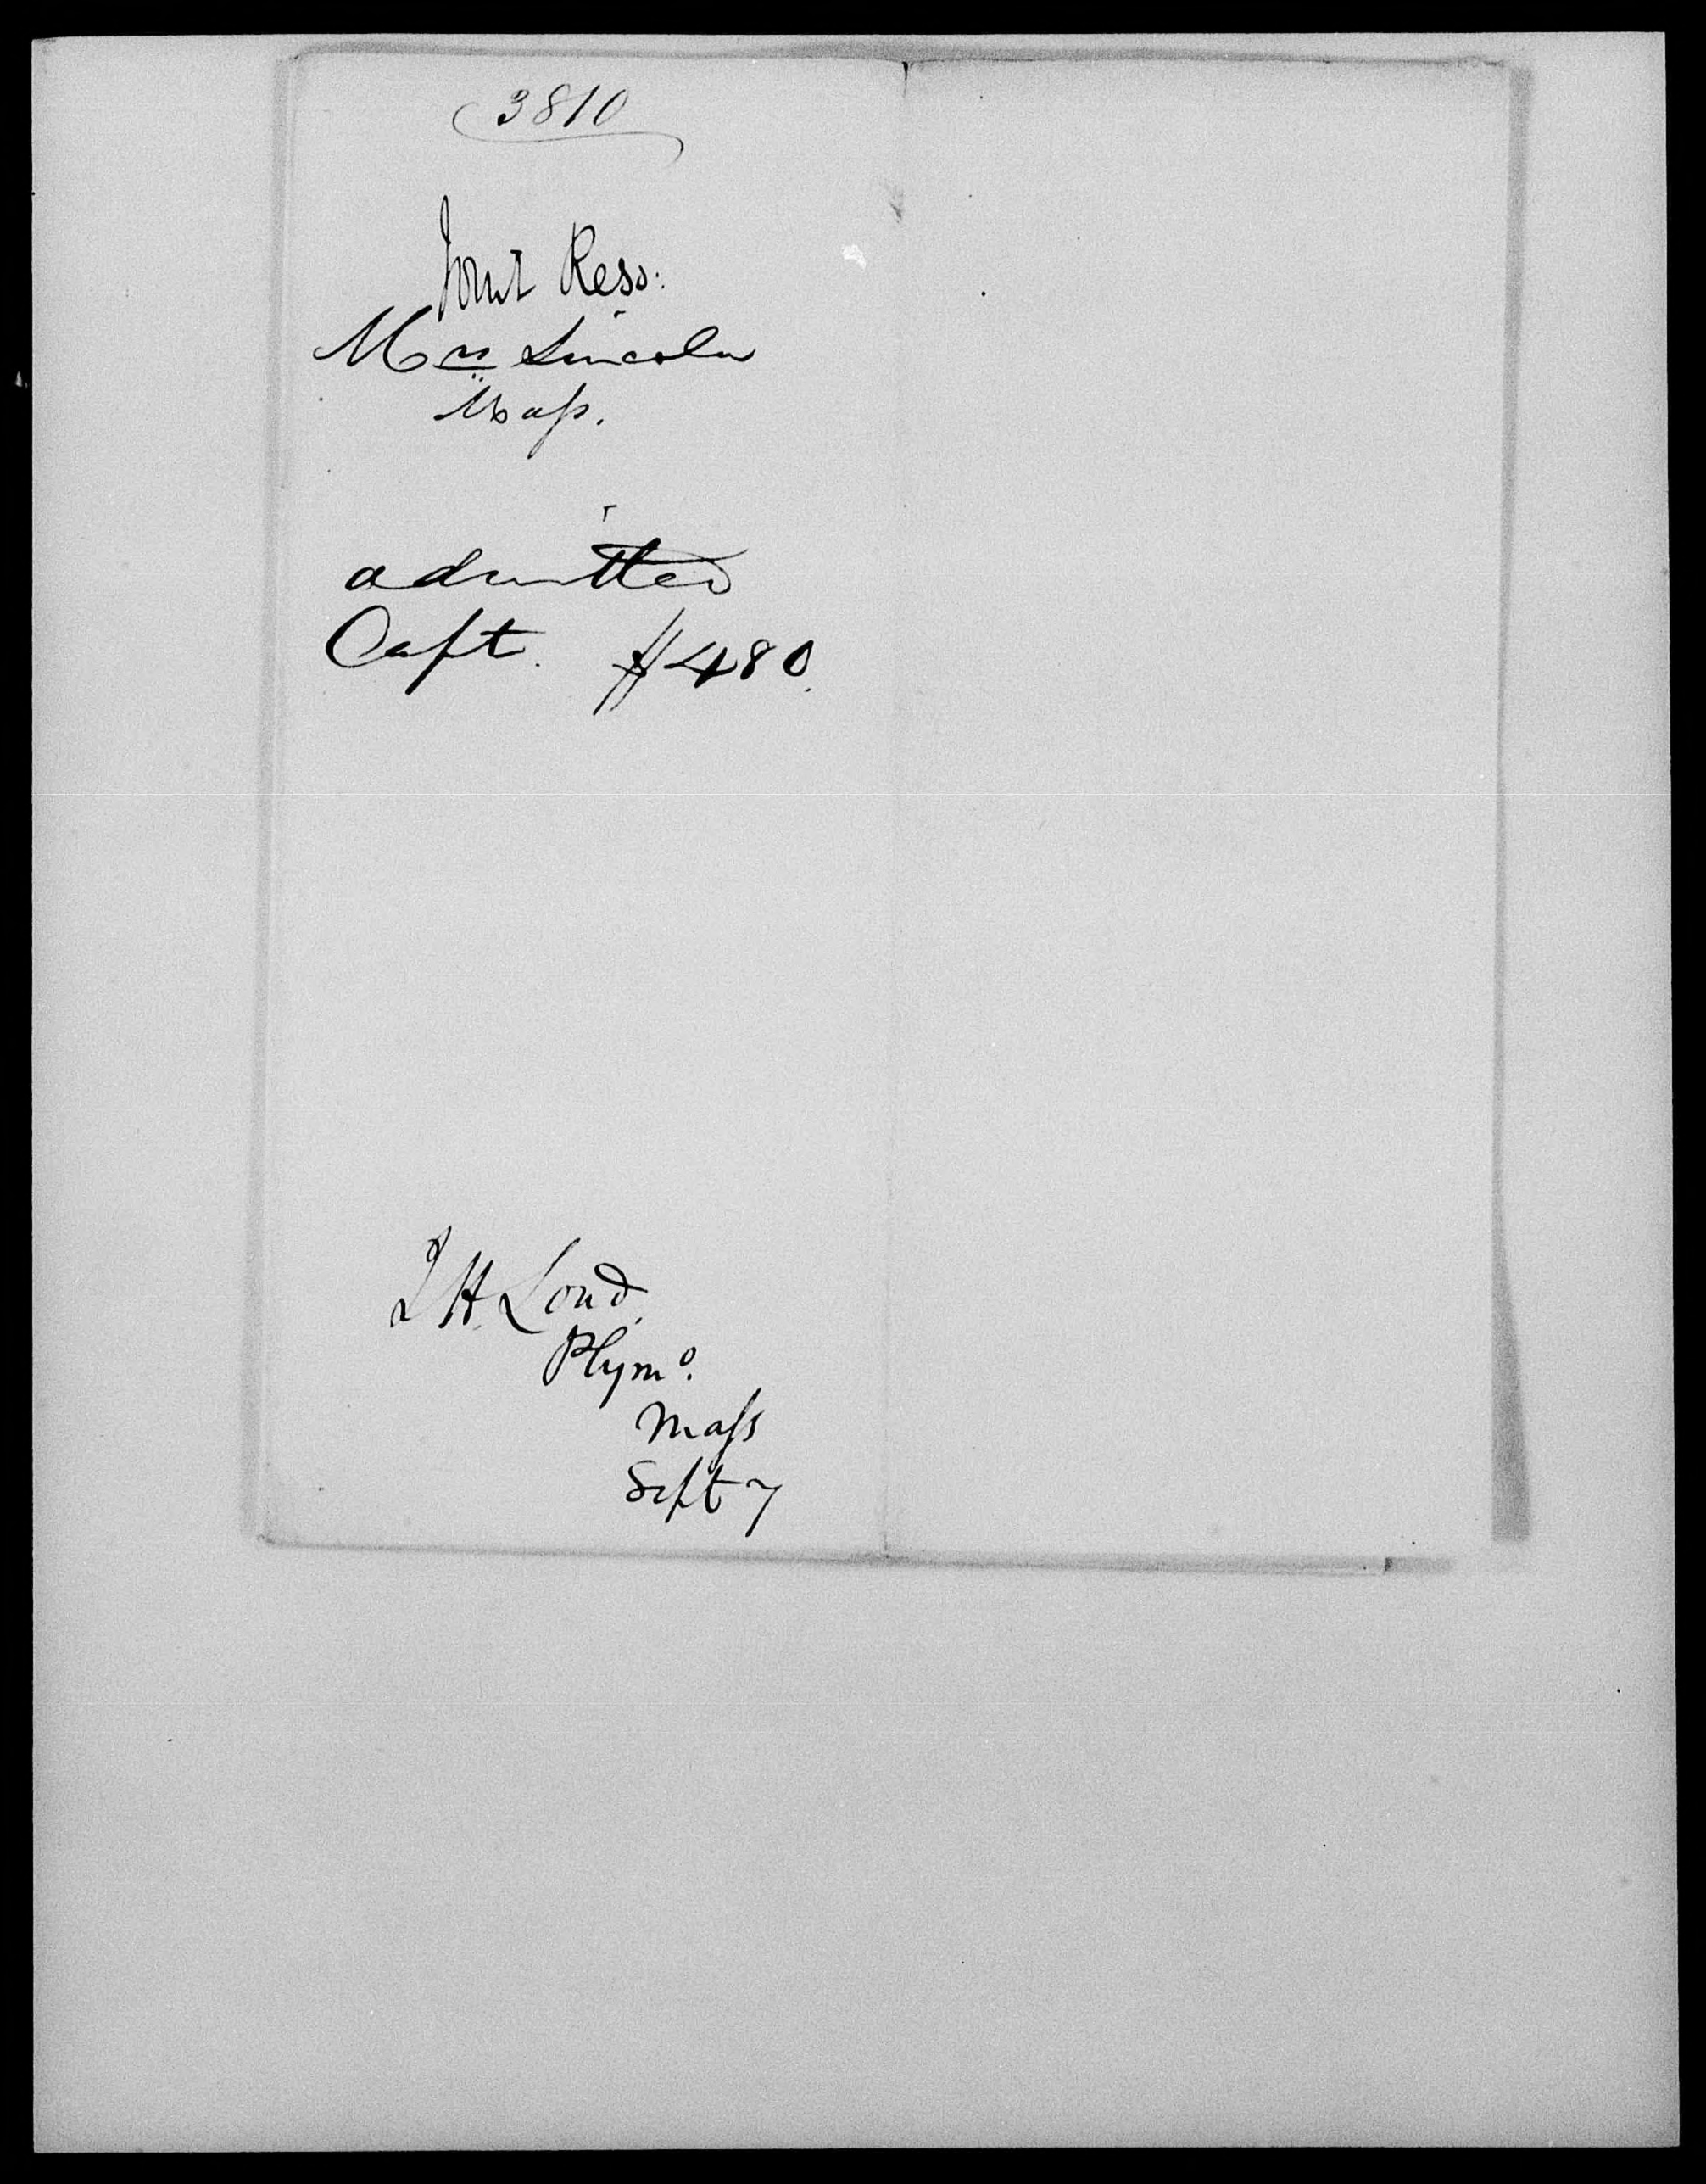(3810)
Court Reso:
Mrs Lincoln
Mass.

admitted
Capt. $480 

J H. Loud
Plymo
Mass
Sept 7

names: J H Loud; [BLANK] Lincoln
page: 10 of 82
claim: widow's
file: W. 13,634, for Rufus Lincoln, Massachusetts